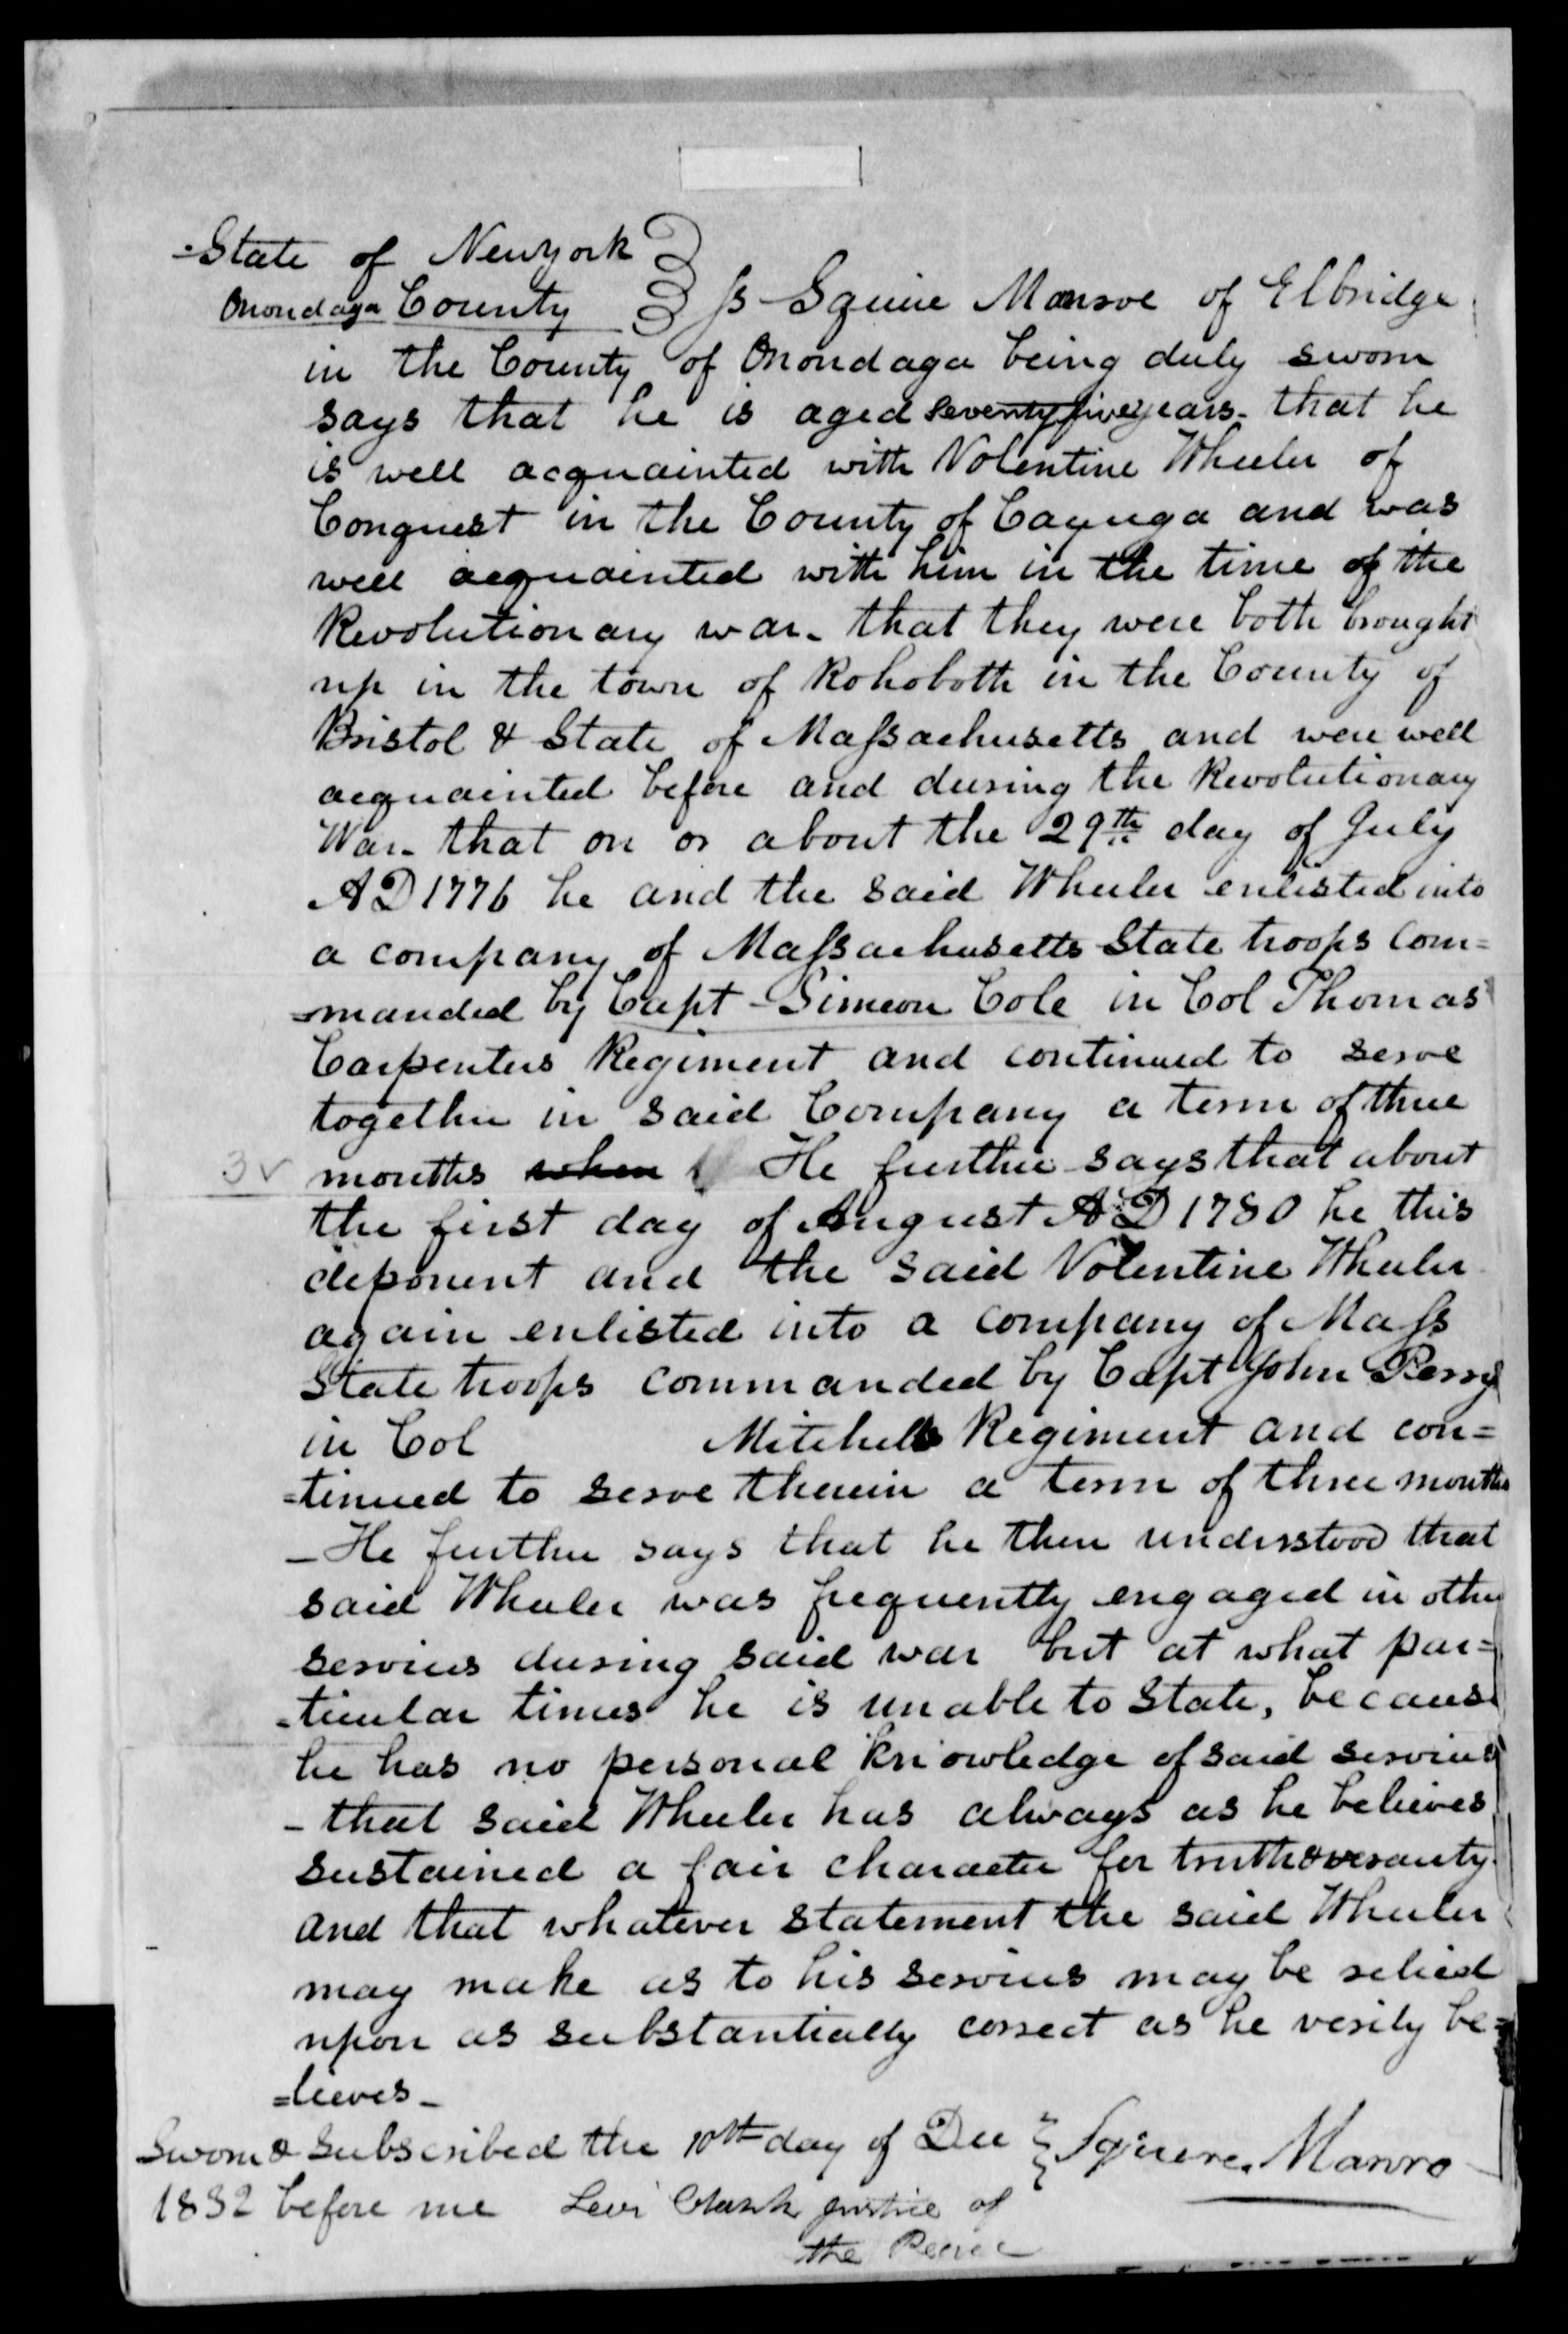State of New York
Onondaga County Ss.
Squire Monroe od Elbridge in the County od Onondaga being duly sworn says that he is aged seventy five years. That he is well acquainted with Volentine Wheeler of Conquest in the County od Cayuga and was well acquainted with him in the time of the Revolutionary war. That they were both brought up in the town of Rohoboth in the County of Bristol & State of Massachusetts and were well acquainted before and during the Revolutionary war. That on or about the 29th day of July A. D. 2776 he and the said Wheeler enlisted into a company of Massachusetts state troops commanded by Captain Simeon Cole in Col. Thomas Carpenters Regiment and continued to serve together in said company a term of three months. He further says that about the first day of August A. D. 1780 he this deponent and the said Volentine Wheeler again enlisted into a company of Mass. State troops commanded by Capt. John Perry in Col. Mitchells Regiment and continued to serve therein a term of three months. He further says that he then understood that said Wheeler was frequently engaged in other services during said war but at what particular times he is unable to state, because he has no personal knowledge of said services. That said Wheeler has always as he believes sustained a fair character for truth & veracity and that whatever statement the said Wheeler may make as to his services may be relied upon as substantially correct as he verily believes.
Squire Monroe
Sworn & subscribed the 10th day of Dec. 1832 before me
Levi Clark, Justice of the Peace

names: Squire Monroe, Levi Clark, Volentine Wheeler, Simeon Cole, John Perry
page: 4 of 98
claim: widow's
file: W. 1682, Valentine Wheeler, Mass.